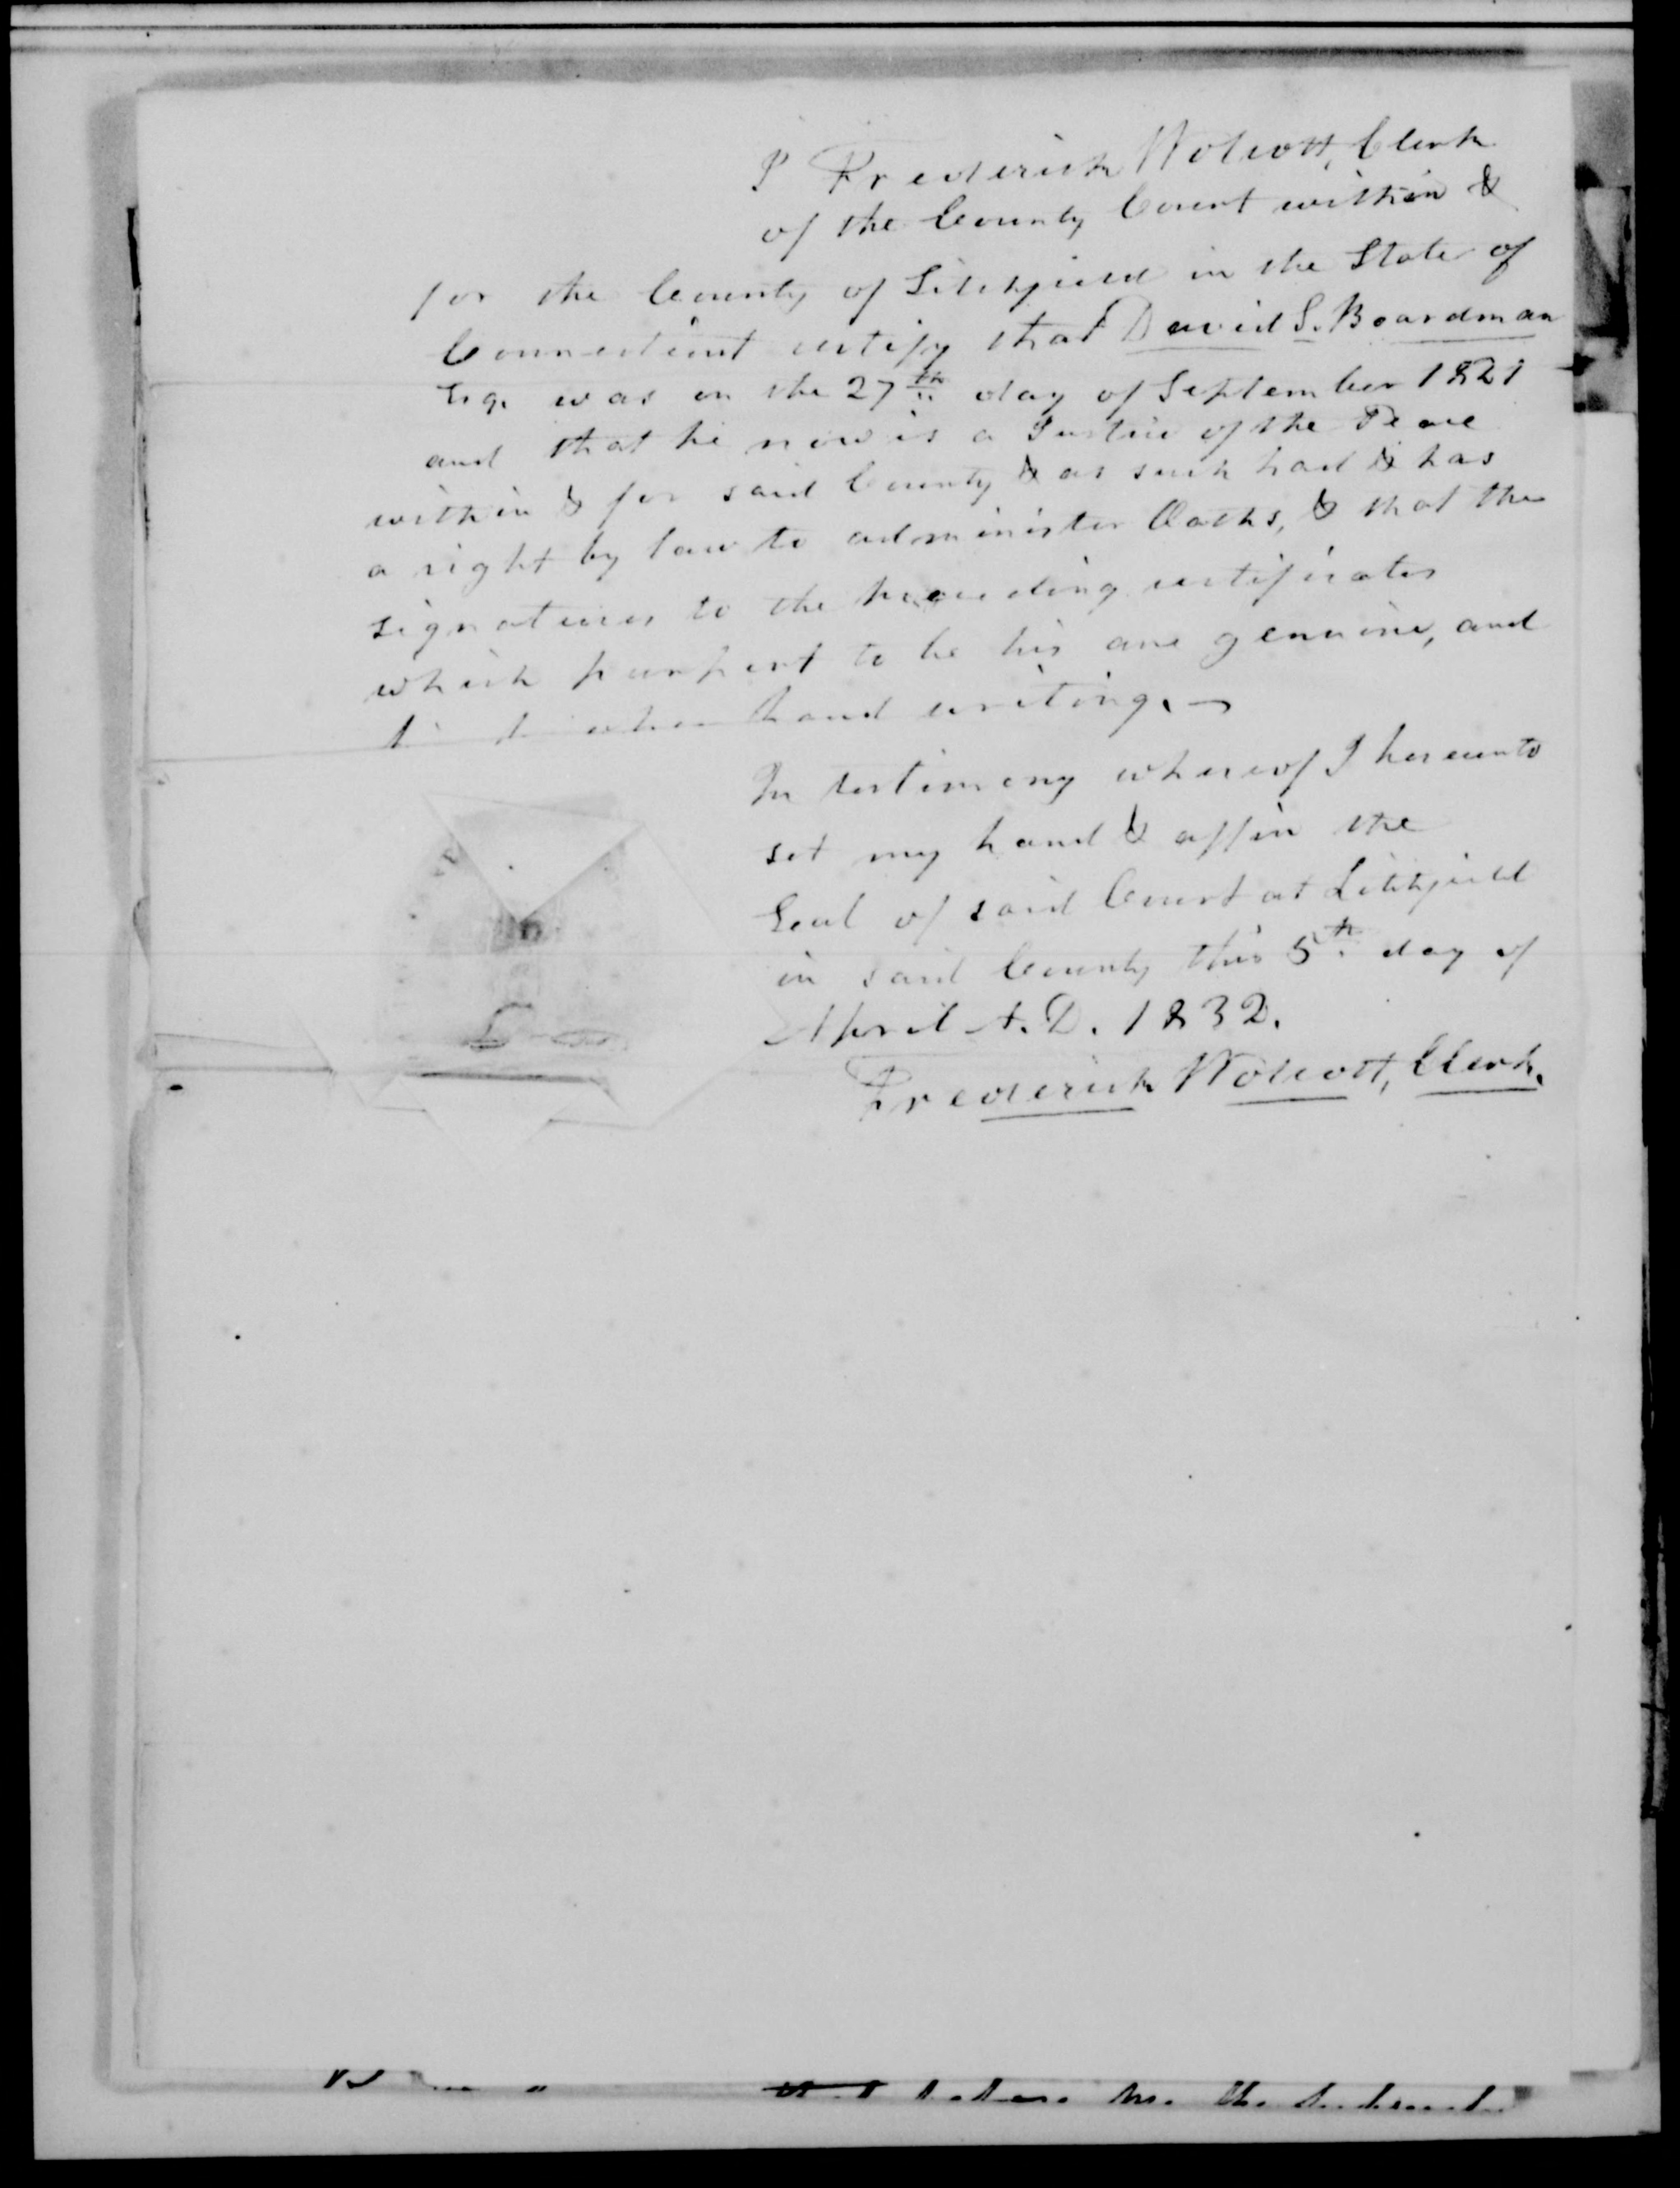I Frederick Wolcott, Clerk of the County Court within & for the County of Litchfield in the State of Connecticut certify that David S. Boardman Esq was on the 27th day of September 1821 and that he now is a Justice of the Peace within & for said County & as such had & has a right by law to administer Oaths & that the signatures to the preceding certificates which purport to be his are genuine, and [unreadable] hand writing. 
In testimony whereof I hereunto set my hand & affix the Seal of said Court at Litchfield in said County this 5th day of April A.D. 1832 
Frederick Wolcott, Clerk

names: Frederick Wolcott; Frederick Wolcott; David S Boardman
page: 52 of 55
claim: widow's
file: W. 11480, for Phinehas Smith, Connecticut